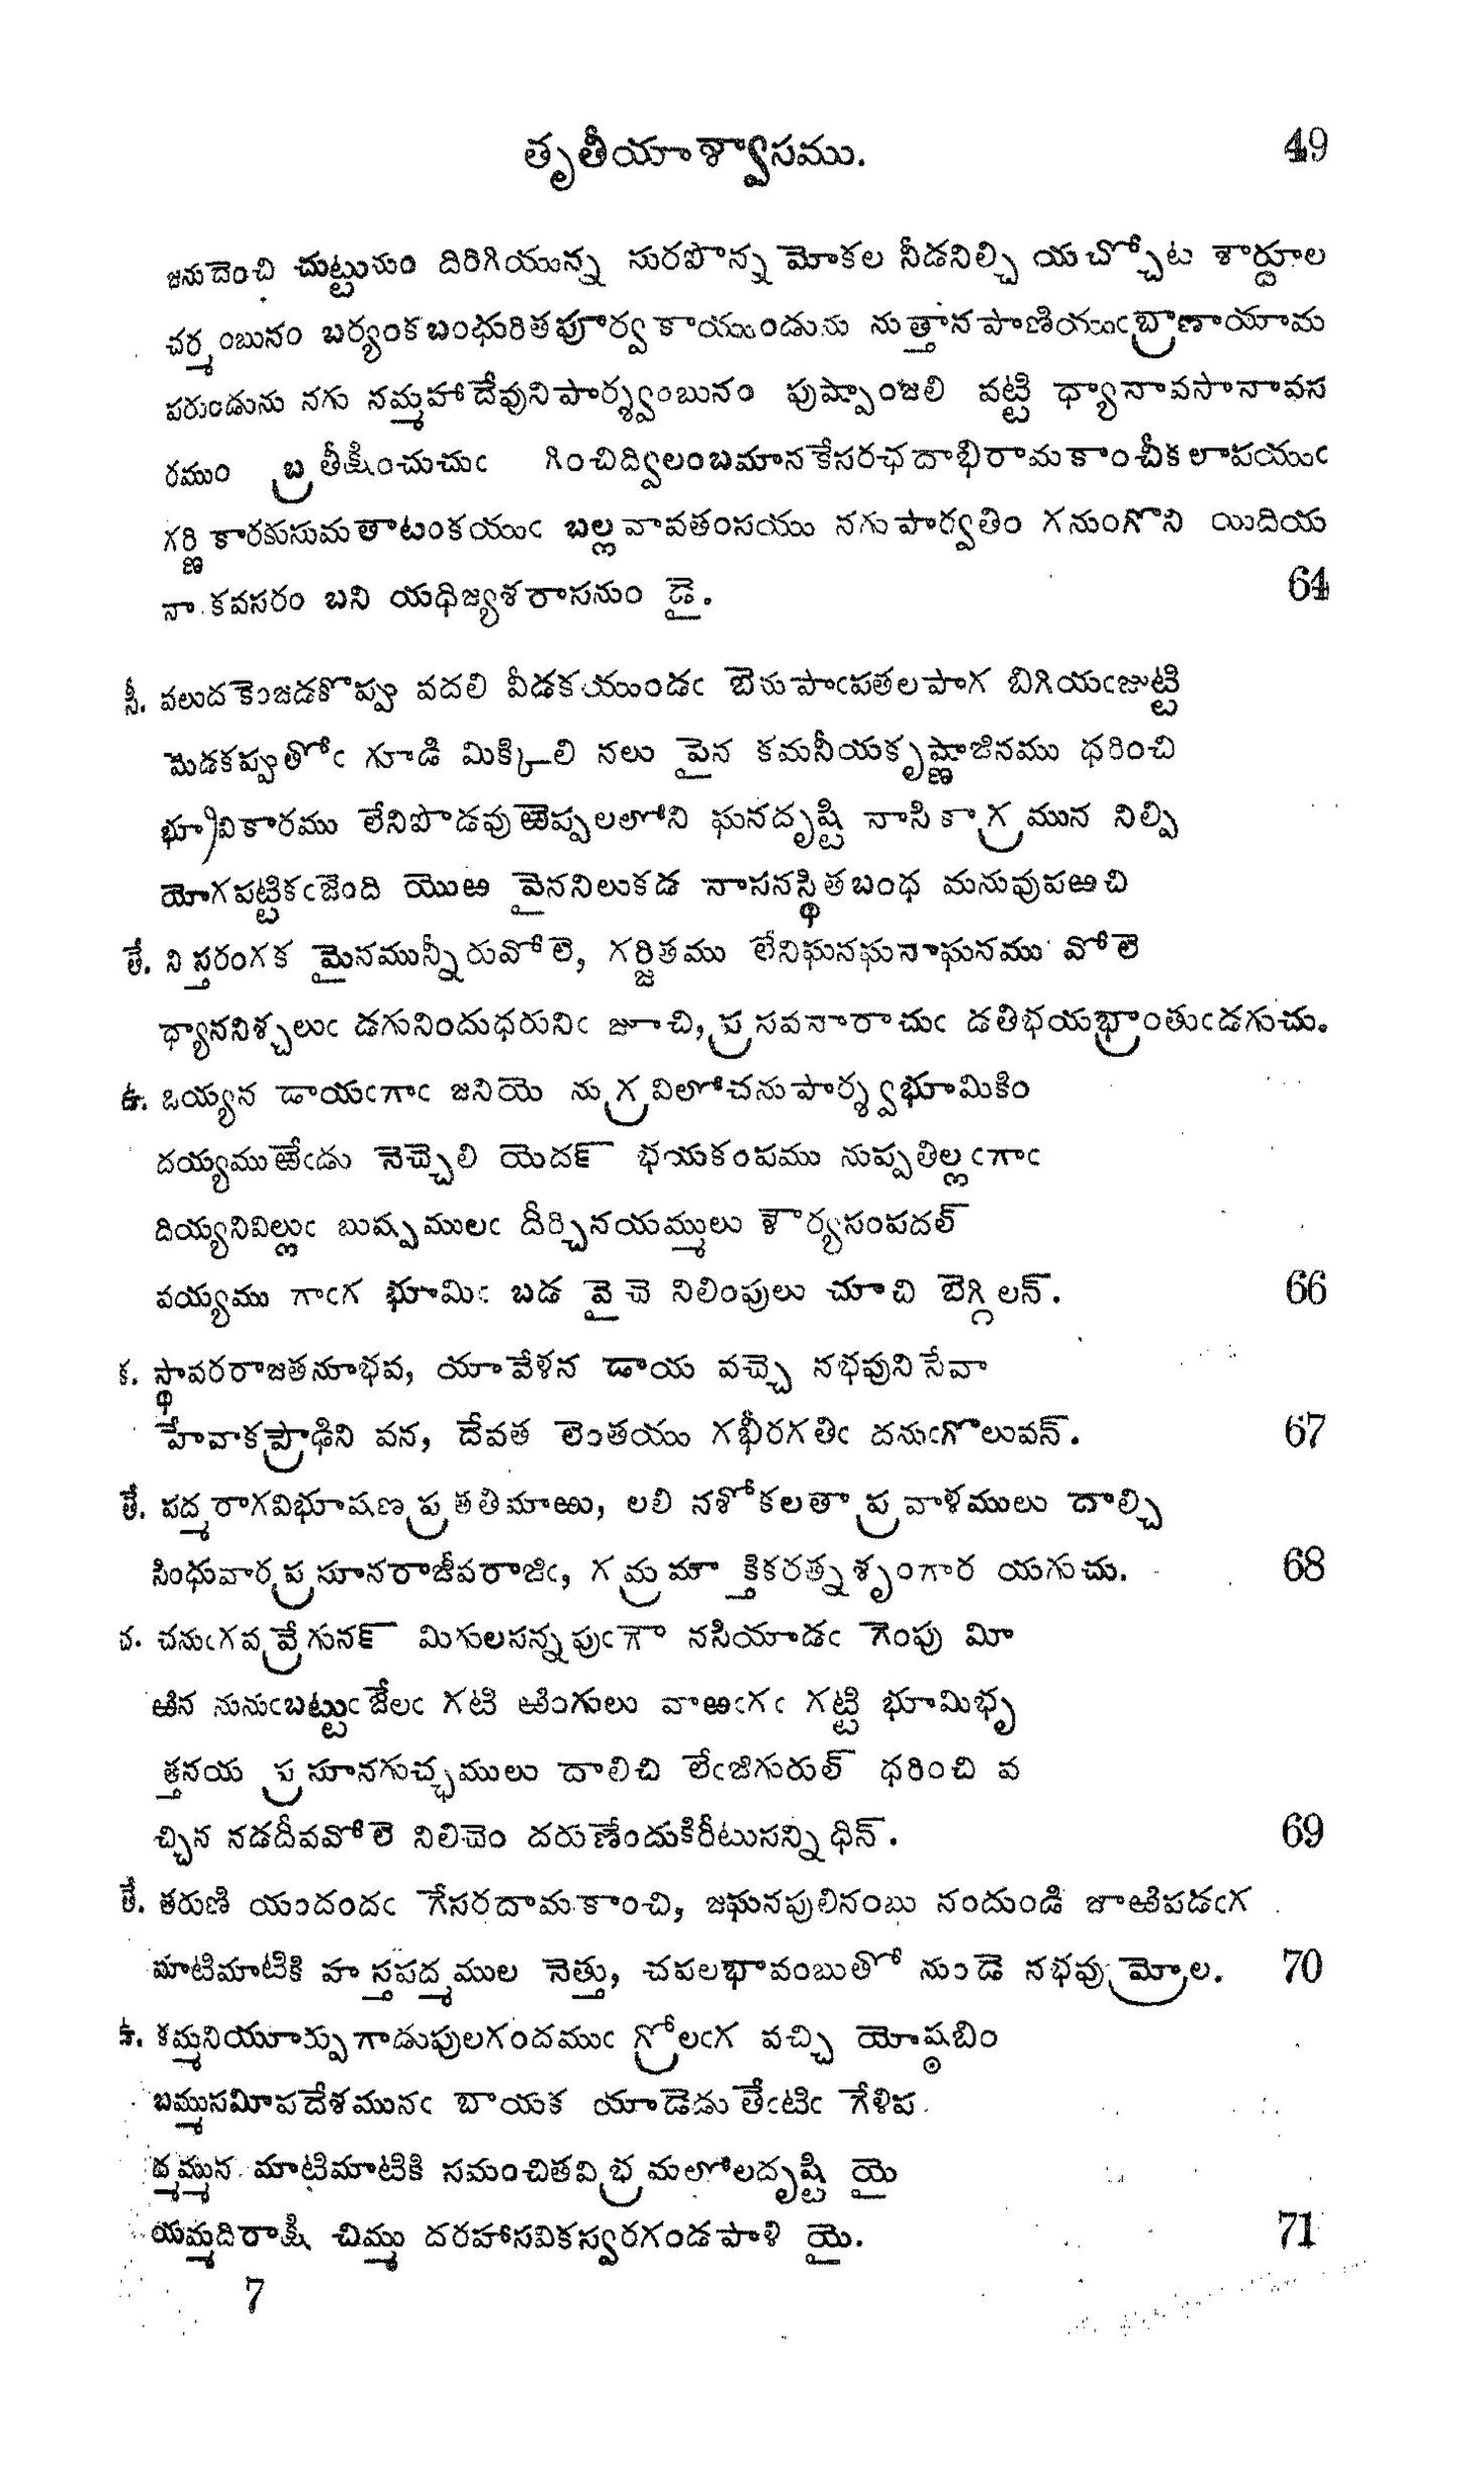జనుదెంచి చుట్టునుం దిరిగియున్న సురపొన్నమోకల నీడనిల్చి యచ్చోట శార్దూలచర్మంబునం బర్యంకబంధురితపూర్వకాయుండును నుత్తానపాణియుఁ బ్రాణాయామపరుండును నగు నమ్మహాదేవునిపార్శ్వంబునం పుష్పాంజలి వట్టి ధ్యానావసానావసరముం బ్రతీక్షించుచుఁ గించిద్విలంబమానకేసరఛదాభిరామకాంచీకలాపయుఁ గర్ణికారకుసుమతాటంకయుఁ బల్లవావతంసయు నగు పార్వతిం గనుంగొని యిదియ నా కవసరం బని యధిజ్యశరాసనుం డై.64

సీ. వలుద కెంజడ కొప్పు వదలి వీడక యుండఁ
	బెనుపాఁప తలపాగ బిగియఁ జుట్టి
మెడకప్పుతోఁ గూడి మిక్కిలి నలుపైన
	కమనీయకృష్ణాజినము ధరించి
భ్రూవికారములేని పొడవుఱెప్పలలోని
	ఘనదృష్టి నాసికాగ్రమున నిల్పి
యోగపట్టికఁ జెంది యొఱపైన నిలుకడ
	నాసనస్థితబంధ మనువుపఱచి
తే. నిస్తరంగకమైన మున్నీరువోలె
గర్జితము లేని ఘనఘనాఘనమువోలె
ధ్యాననిశ్చలుఁడగు నిందుధరుని జూచి
ప్రసవనారాచుఁ డతిభయభ్రాంతుఁ డగుచు. 65

ఉ. ఒయ్యన డాయఁగాఁ జనియె నుగ్రవిలోచనుపార్శ్వభూమికిం
దయ్యముఱేఁడు నెచ్చెలి యెదన్ భయకంపము నుప్పతిల్లఁగా
దియ్యనివిల్లుఁ బుష్పములఁ దీర్చినయమ్ములు శౌర్యసంపదల్
వయ్యము గాఁగ భూమిఁ బడ వైచె నిలింపులు చూచి బెగ్గిలన్. 66

క. స్థావరరాజతనూభవ, యా వేళన డాయ వచ్చె నభవునిసేవా
హేవాకప్రౌఢిని వన, దేవత లెంతయు గభీరగతిఁ దనుఁ గొలువన్. 67

తే. పద్మరాగవిభూషణప్రతతి మాఱు, లలి నశోకలతాప్రవాళములు దాల్చి
సింధువారప్రసూనరాజీవరాజిఁ, గమ్రమౌక్తికరత్నశృంగార యగుచు. 68

చ. చనుఁగవ వ్రేగునన్ మిగులసన్నపుఁగౌ నసియాడఁ గెంపు మీ
ఱిన నునుఁబట్టుఁజేలఁ గటి ఱింగులు వాఱఁగఁ గట్టి భూమిభృ
త్తనయ ప్రసూనగుచ్ఛములు దాలిచి లేఁజిగురుల్ ధరించి వ
చ్చిన నడదీవవోలె నిలిచెం దరుణేందుకిరీటుసన్నిధిన్. 69

తే. తరుణి యందందఁ గేసరదామ కాంచి, జఘనపులినంబు నందుండి జాఱిపడఁగ
మాటిమాటికి హస్తపదముల నెత్తు, చపలభావంబుతో నుండె నభవుమ్రోల. 70

ఉ. కమ్మనియూర్పుగాడుపులగందముఁ గ్రోలఁగ వచ్చి యోష్ణబిం
బమ్ము సమీపదేశమునఁ బాయక యాడెడు తేఁటిఁ గేళిప
ద్మమ్మున మాటిమాటికి సమంచితవిభ్రమలోలదృష్టి యై
యమ్మదిరాక్షి చిమ్ము దరహాసవికస్వరగండపాళి యై. 71